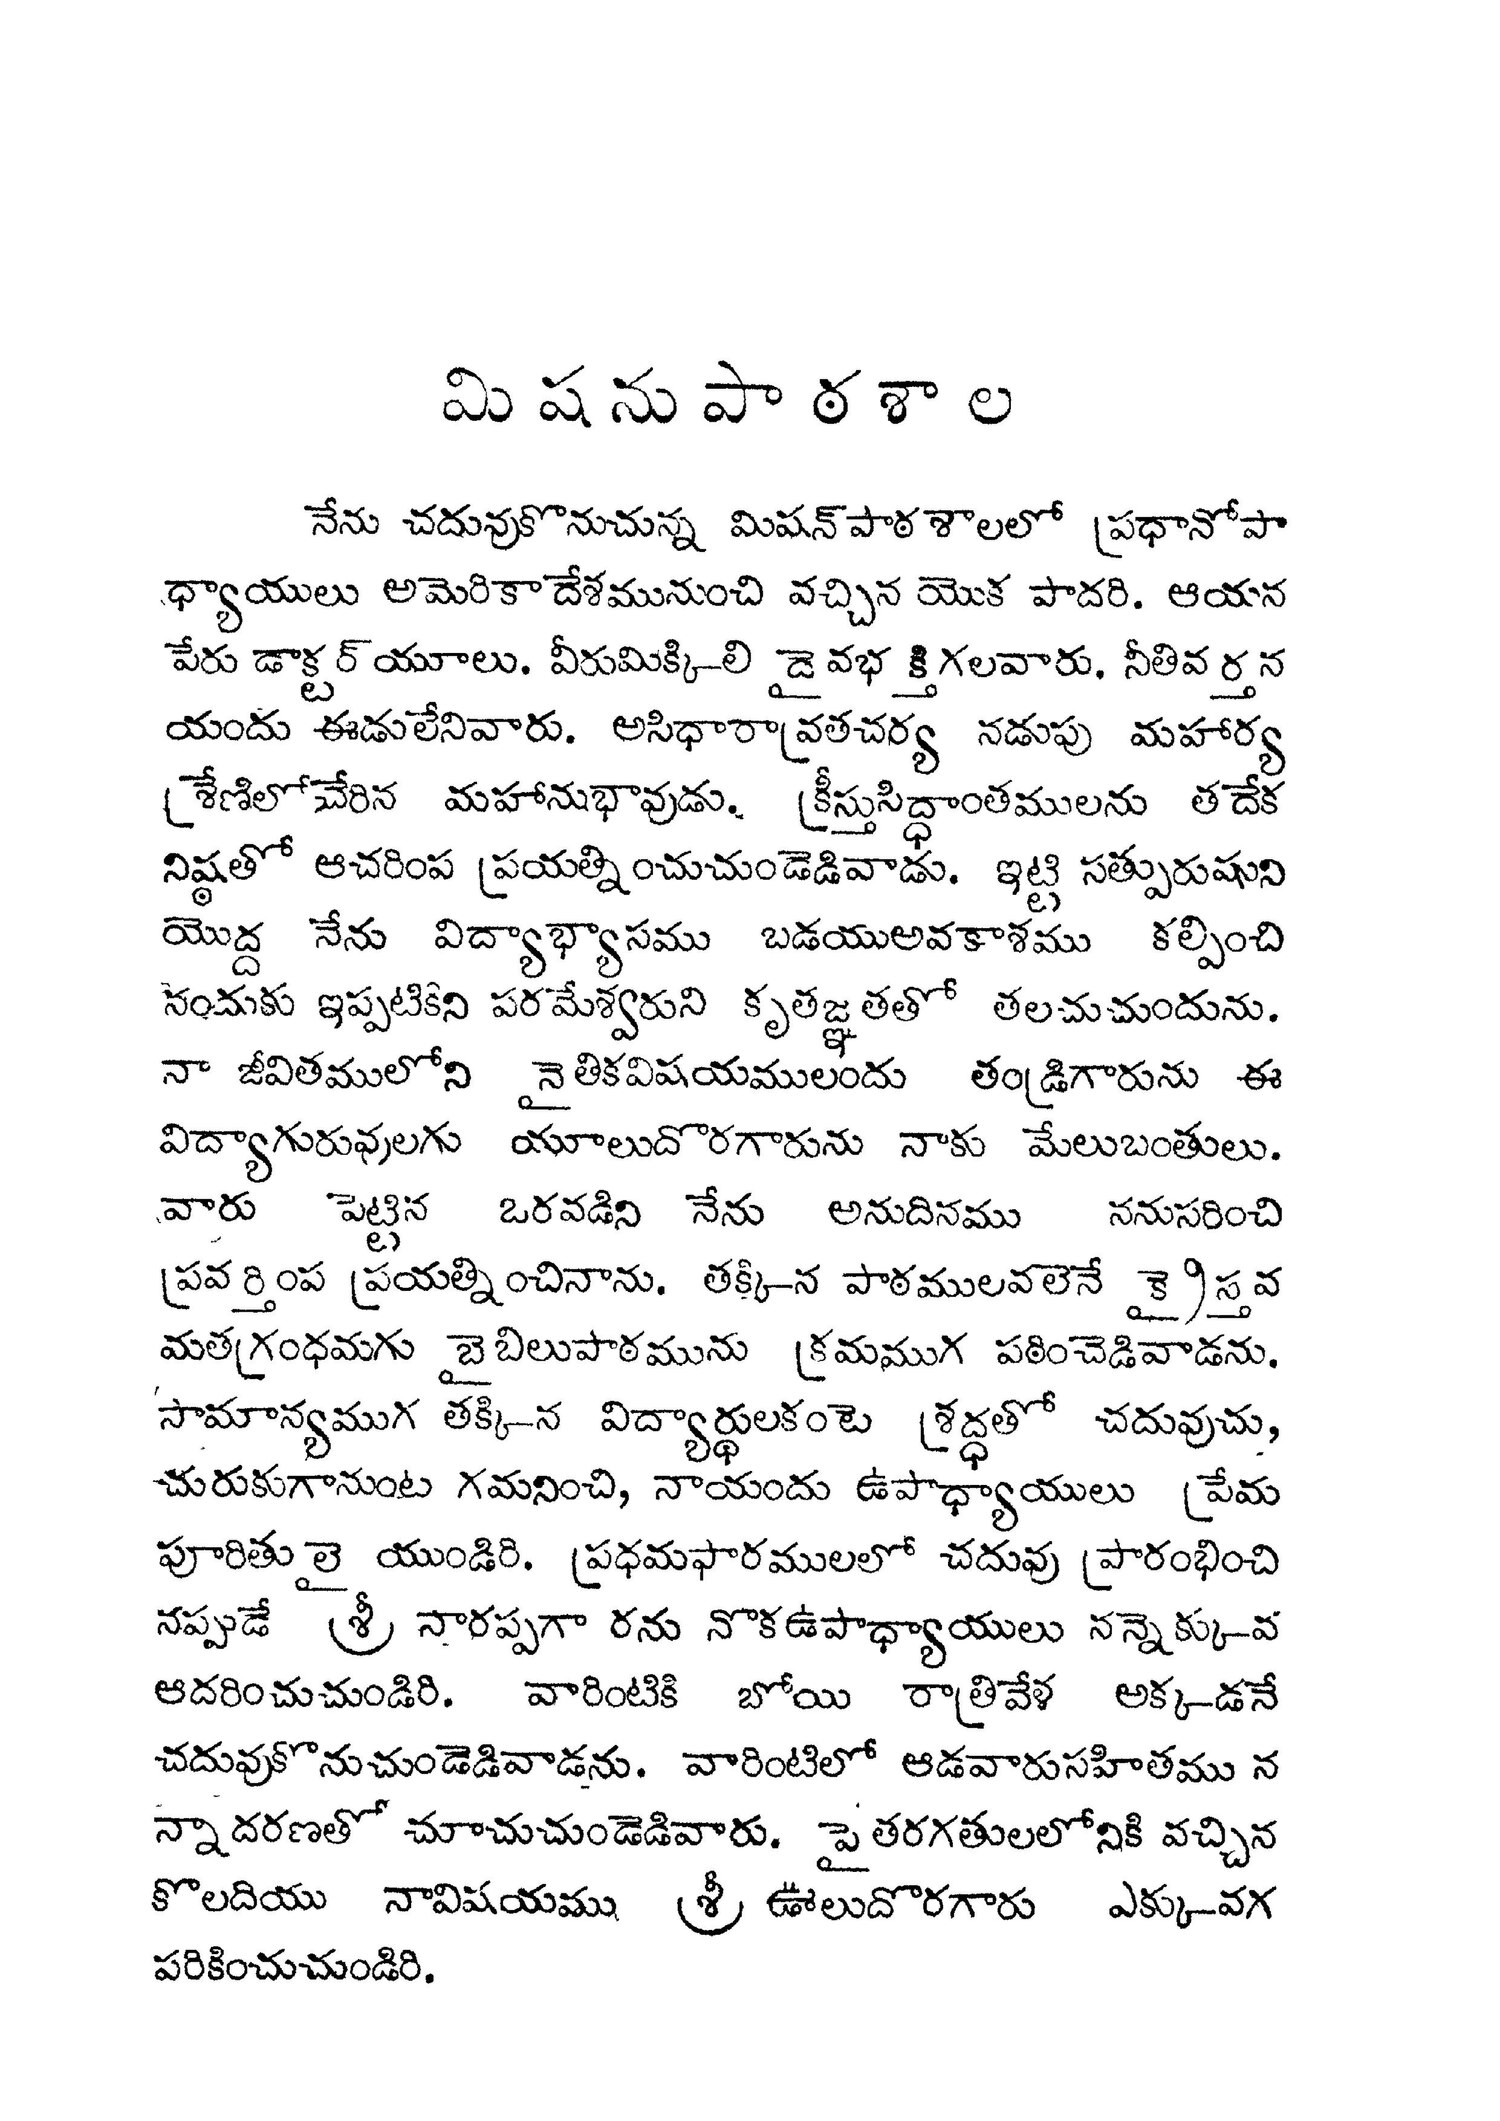నేను చదువుకొనుచున్న మిషన్‌పాఠశాలలో ప్రధానోపాధ్యాయులు అమెరికాదేశమునుంచి వచ్చిన యొక పాదరి. ఆయన పేరు డాక్టర్‌యూలు. వీరుమిక్కిలి దైవభక్తిగలవారు. నీతివర్తన యందు ఈడులేనివారు. అసిధారావ్రతచర్య నడుపు మహార్య శ్రేణిలోచేరిన మహానుభావుడు. క్రీస్తుసిద్ధాంతములను తదేక నిష్ఠతో ఆచరింప ప్రయత్నించుచుండెడివాడు. ఇట్టి సత్పురుషునియొద్ద నేను విద్యాభ్యాసము బడయుఅవకాశము కల్పించినందుకు ఇప్పటికిని పరమేశ్వరుని కృతజ్ఞతతో తలచుచుందును. నా జీవితములోని నైతికవిషయములందు తండ్రిగారును ఈ విద్యాగురువులగు యూలుదొరగారును నాకు మేలుబంతులు. వారు పెట్టిన ఒరవడిని నేను అనుదినము ననుసరించి ప్రవర్తింప ప్రయత్నించినాను. తక్కిన పాఠములవలెనే క్రైస్తవ మతగ్రంధమగు బైబిలుపాఠమును క్రమముగ పఠించెడివాడను. సామాన్యముగ తక్కిన విద్యార్థులకంటె శ్రద్ధతో చదువుచు, చురుకుగానుంట గమనించి, నాయందు ఉపాధ్యాయులు ప్రేమ పూరితులై యుండిరి. ప్రధమఫారములలో చదువు ప్రారంభించినప్పుడే శ్రీ నారప్పగా రను నొకౌపాధ్యాయులు నన్నెక్కువ ఆదరించుచుండిరి. వారింటికి బోయి రాత్రివేళ అక్కడనే చదువుకొనుచుండెడివాడను. వారింటిలో ఆడవారుసహితము నన్నాదరణతో చూచుచుండెడివారు. పైతరగతులలోనికి వచ్చిన కొలదియు నావిషయము శ్రీ ఊలుదొరగారు ఎక్కువగ పరికించుచుండిరి.